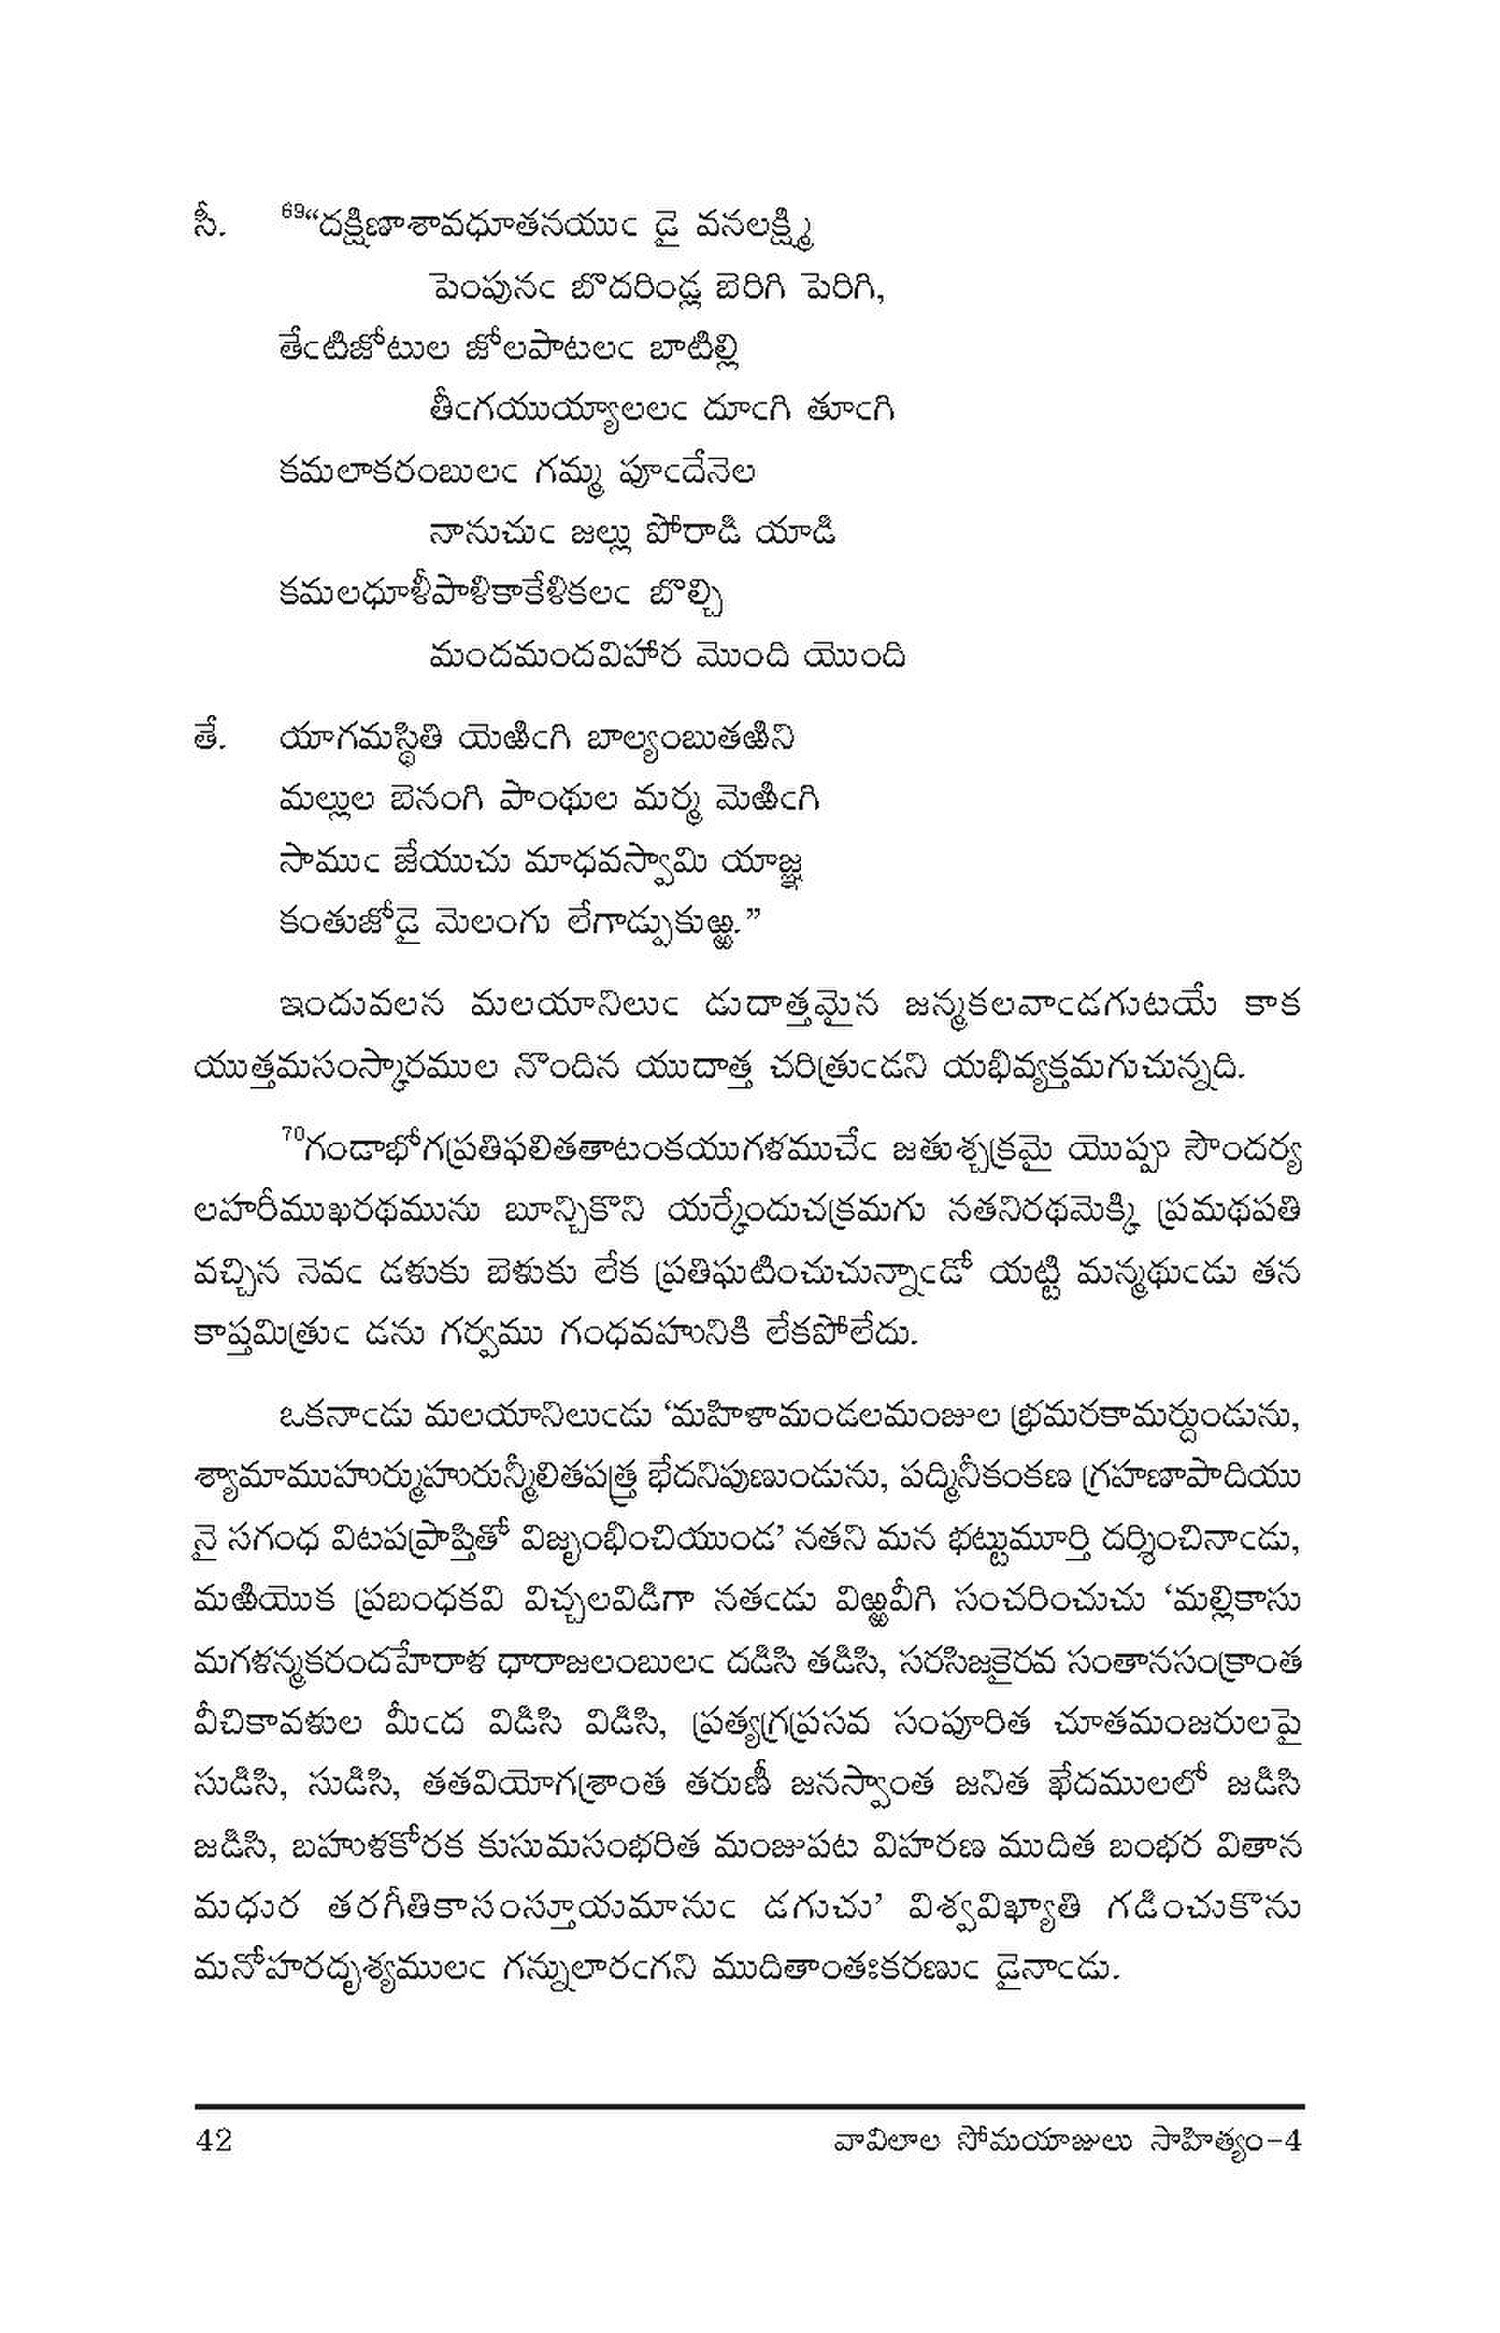సీ. “దక్షిణాశావధూతనయుఁ డై వనలక్ష్మి
 పెంపునఁ బొదరిండ్ల బెరిగి పెరిగి,
 తేఁటిజోటుల జోలపాటలఁ బాటిల్లి
 తీఁగయుయ్యాలలఁ దూఁగి తూఁగి
 కమలాకరంబులఁ గమ్మ పూఁదేనెల
 నానుచుఁ జల్ల పోరాడి యాడి
 కమలధూళీపాళికాకేళికలఁ బొల్చి
 మందమందవిహార మొంది యొంది

తే. యాగమస్థితి యెఱిఁగి బాల్యంబుతఱిని
 మల్లుల బెనంగి పాంథుల మర్మ మెఱిఁగి
 సాముఁ జేయుచు మాధవస్వామి యాజ్ఞ
 కంతుజోడై మెలంగు లేగాడ్పుకుఱ్ఱ.”

ఇందువలన మలయానిలుఁ డుదాత్తమైన జన్మకలవాఁడగుటయే కాక
యుత్తమసంస్కారముల నొందిన యుదాత్త చరిత్రుఁడని యభివ్యక్తమగుచున్నది.

గండాభోగప్రతిఫలితతాటంకయుగళముచేఁ జతుశ్చక్రమై యొప్పు సౌందర్య
లహరీముఖరథమును బూన్చికొని యర్కేందుచక్రమగు నతనిరథమెక్కి ప్రమథపతి
వచ్చిన నెవఁ డళుకు బెళుకు లేక ప్రతిఘటించుచున్నాఁడో యట్టి మన్మథుఁడు తన
కాప్తమిత్రుఁ డను గర్వము గంధవహునికి లేకపోలేదు.

ఒకనాఁడు మలయానిలుఁడు 'మహిళామండలమంజుల భ్రమరకామర్దుండును,
శ్యామాముహుర్ముహురున్మీలితపత్త్ర భేదనిపుణుండును, పద్మినీకంకణ గ్రహణాపాదియు
నై సగంధ విటపప్రాప్తితో విజృంభించియుండ' నతని మన భట్టుమూర్తి దర్శించినాఁడు,
మఱియొక ప్రబంధకవి విచ్చలవిడిగా నతఁడు విఱ్ఱవీగి సంచరించుచు 'మల్లికాసు
మగళన్మకరందహేరాళ ధారాజలంబులఁ దడిసి తడిసి, సరసిజకైరవ సంతానసంక్రాంత
వీచికావళుల మీఁద విడిసి విడిసి, ప్రత్యగ్రప్రసవ సంపూరిత చూతమంజరులపై
సుడిసి, సుడిసి, తతవియోగశ్రాంత తరుణీ జనస్వాంత జనిత భేదములలో జడిసి
జడిసి, బహుళకోరక కుసుమసంభరిత మంజుపట విహరణ ముదిత బంభర వితాన
మధుర తరగీతికాసంస్తూయమానుఁ డగుచు' విశ్వవిఖ్యాతి గడించుకొను
మనోహరదృశ్యములఁ గన్నులారఁగని ముదితాంతఃకరణుఁ డైనాఁడు.